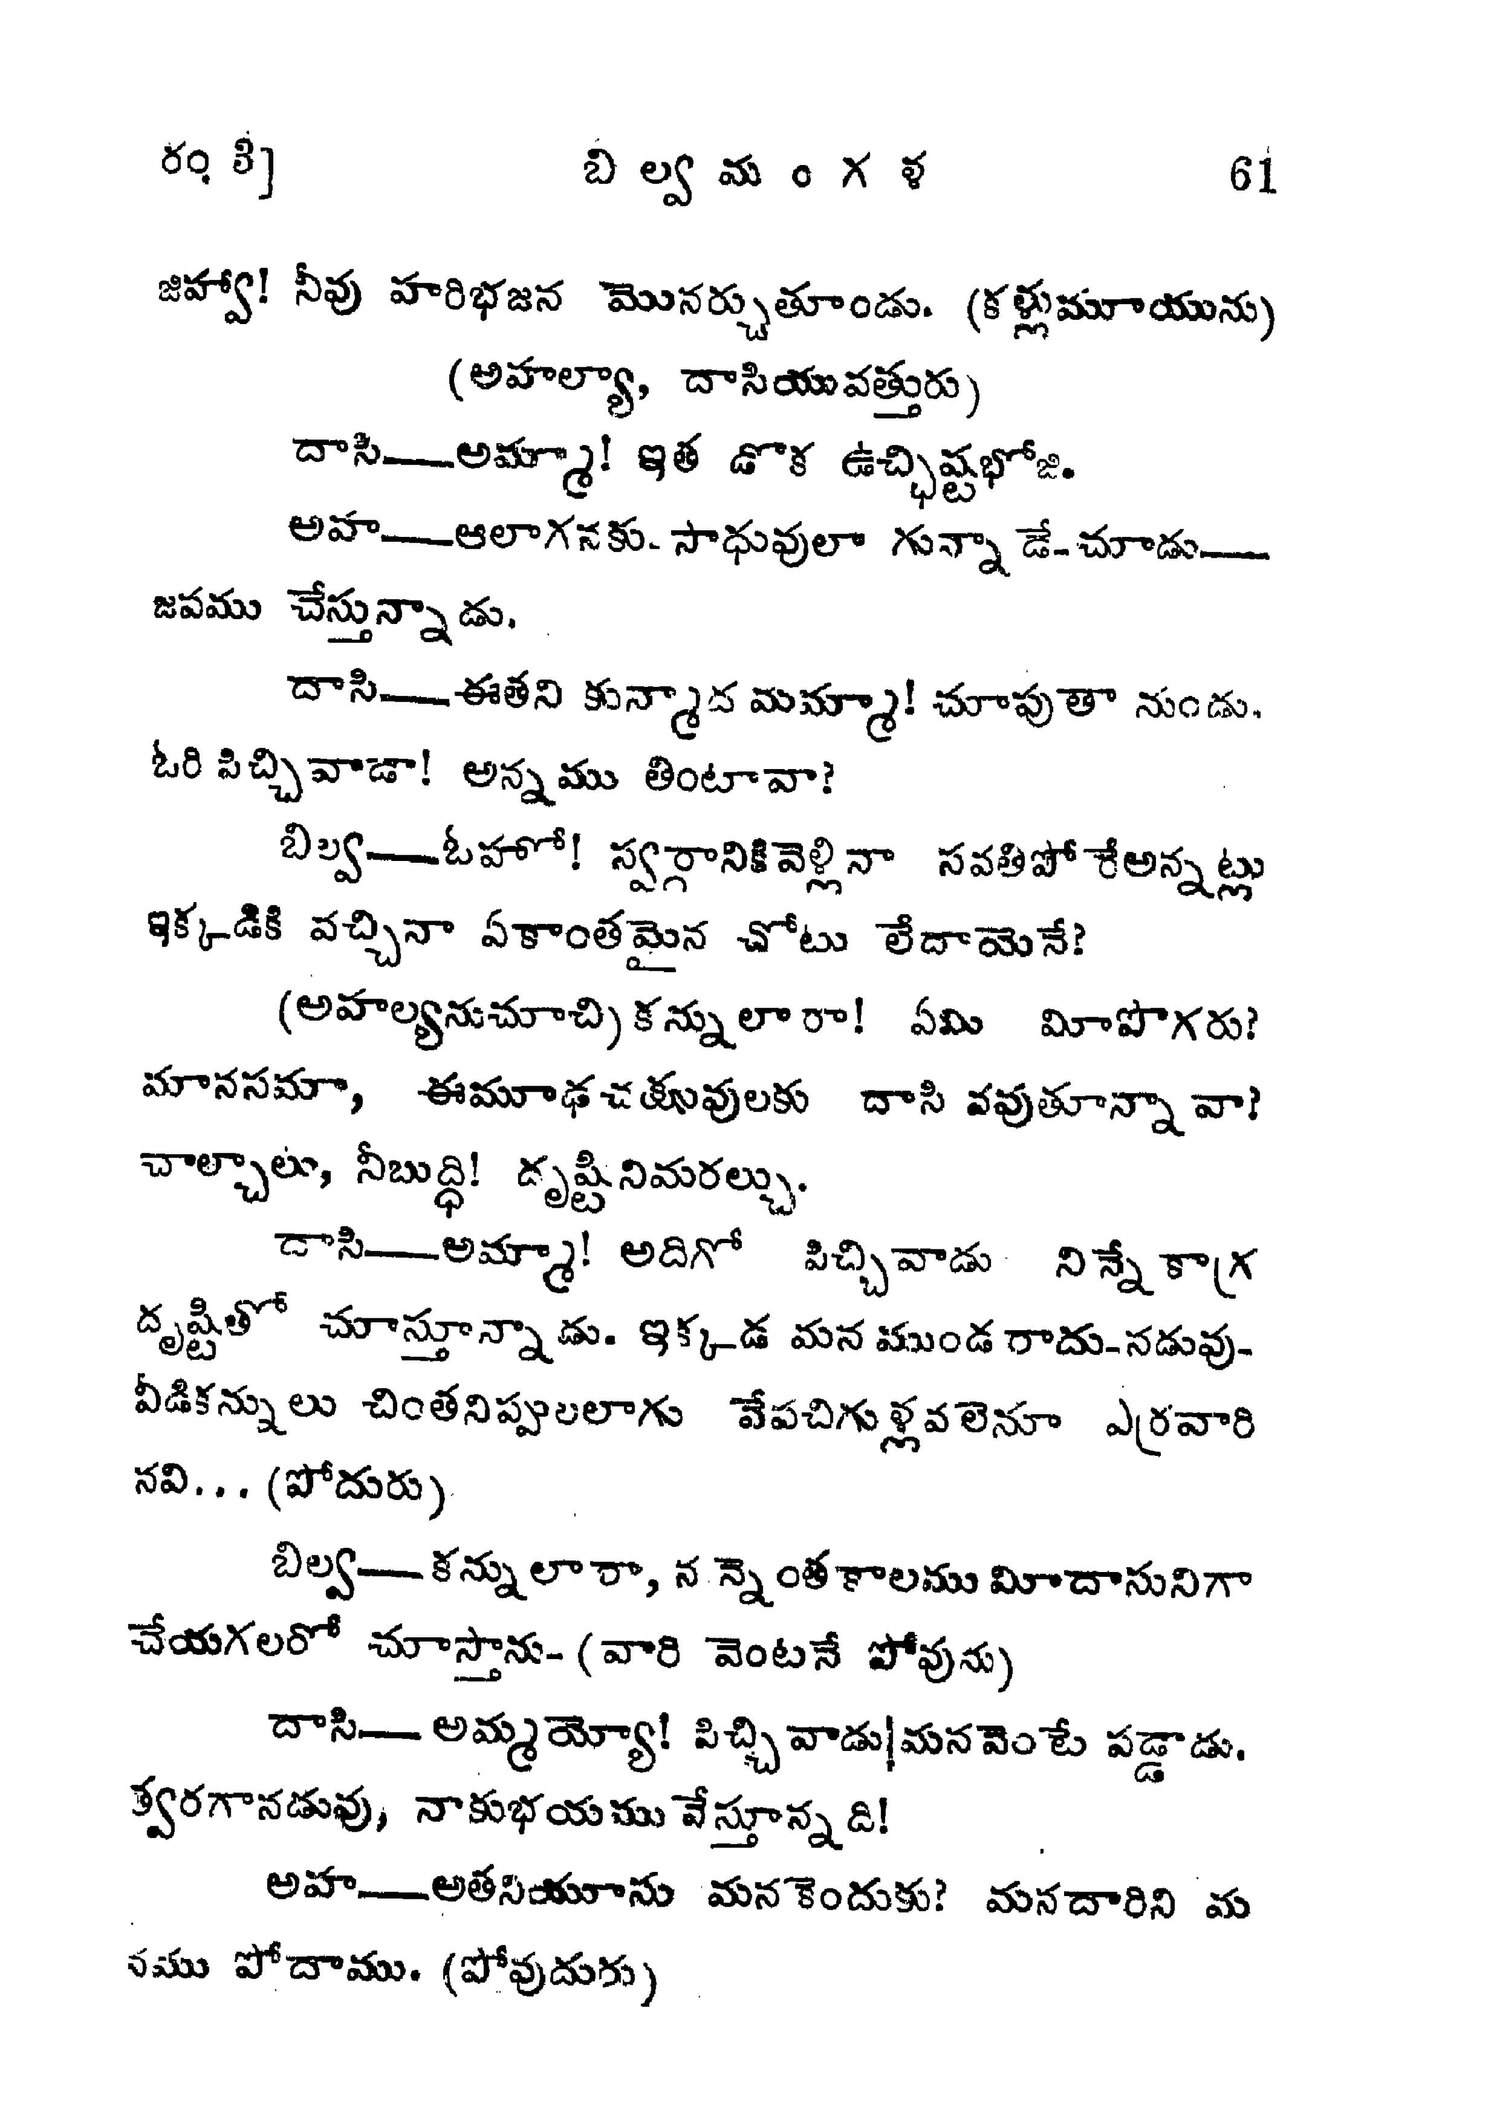జిహ్వా! నీవు హరిభజన మొనర్చుతూండు. (కళ్లుమూయును)

దాసి - అమ్మా! ఇత డొక ఉచ్ఛిష్టభోజ.

అహ - ఆలాగనకు. సాధువులా గున్నాడే-చూడు-జపము చేస్తున్నాడు.

దాసి - ఈతని కున్మాద మమ్మా! చూపుతా నుండు. ఓరి పిచ్చివాడా! అన్నము తింటావా?

బిల్వ - ఓహో! స్వర్గానికివెళ్లినా సవతిపోరే అన్నట్లు ఇక్కడికి వచ్చినా ఏకాంతమైన చోటు లేదాయెనే?

(అహల్యనుచూచి) కన్నులారా! ఏమి మీపొగరు? మానసమా, ఈమూఢచక్షువులకు దాసి వవుతూన్నావా? చాల్చాలు, నీబుద్ధి! దృష్టినిమరల్చు.

దాసి - అమ్మా! అదిగో పిచ్చివాడు నిన్నేకాగ్ర దృష్టితో చూస్తున్నాడు. ఇక్కడ మన ముండరాదు-నడువు-వీడికన్నులు చింతనిప్పులలాగు వేపచిగుళ్లవలెనూ ఎర్రవారినవి..(పోదురు)

బిల్వ - కన్నులారా, నన్నెంతకాలము మీదాసునిగా చేయగలరో చూస్తాను-(వారి వెంటనే పోవును)

దాసి - అమ్మయ్యో! పిచ్చివాడు మనవెంటే పడ్డాడు. త్వరగానడువు, నాకుభయము వేస్తూన్నది!

అహ - అతనియూసు మనకెందుకు? మనదారిని మనము పోదాము. (పోవుదురు)